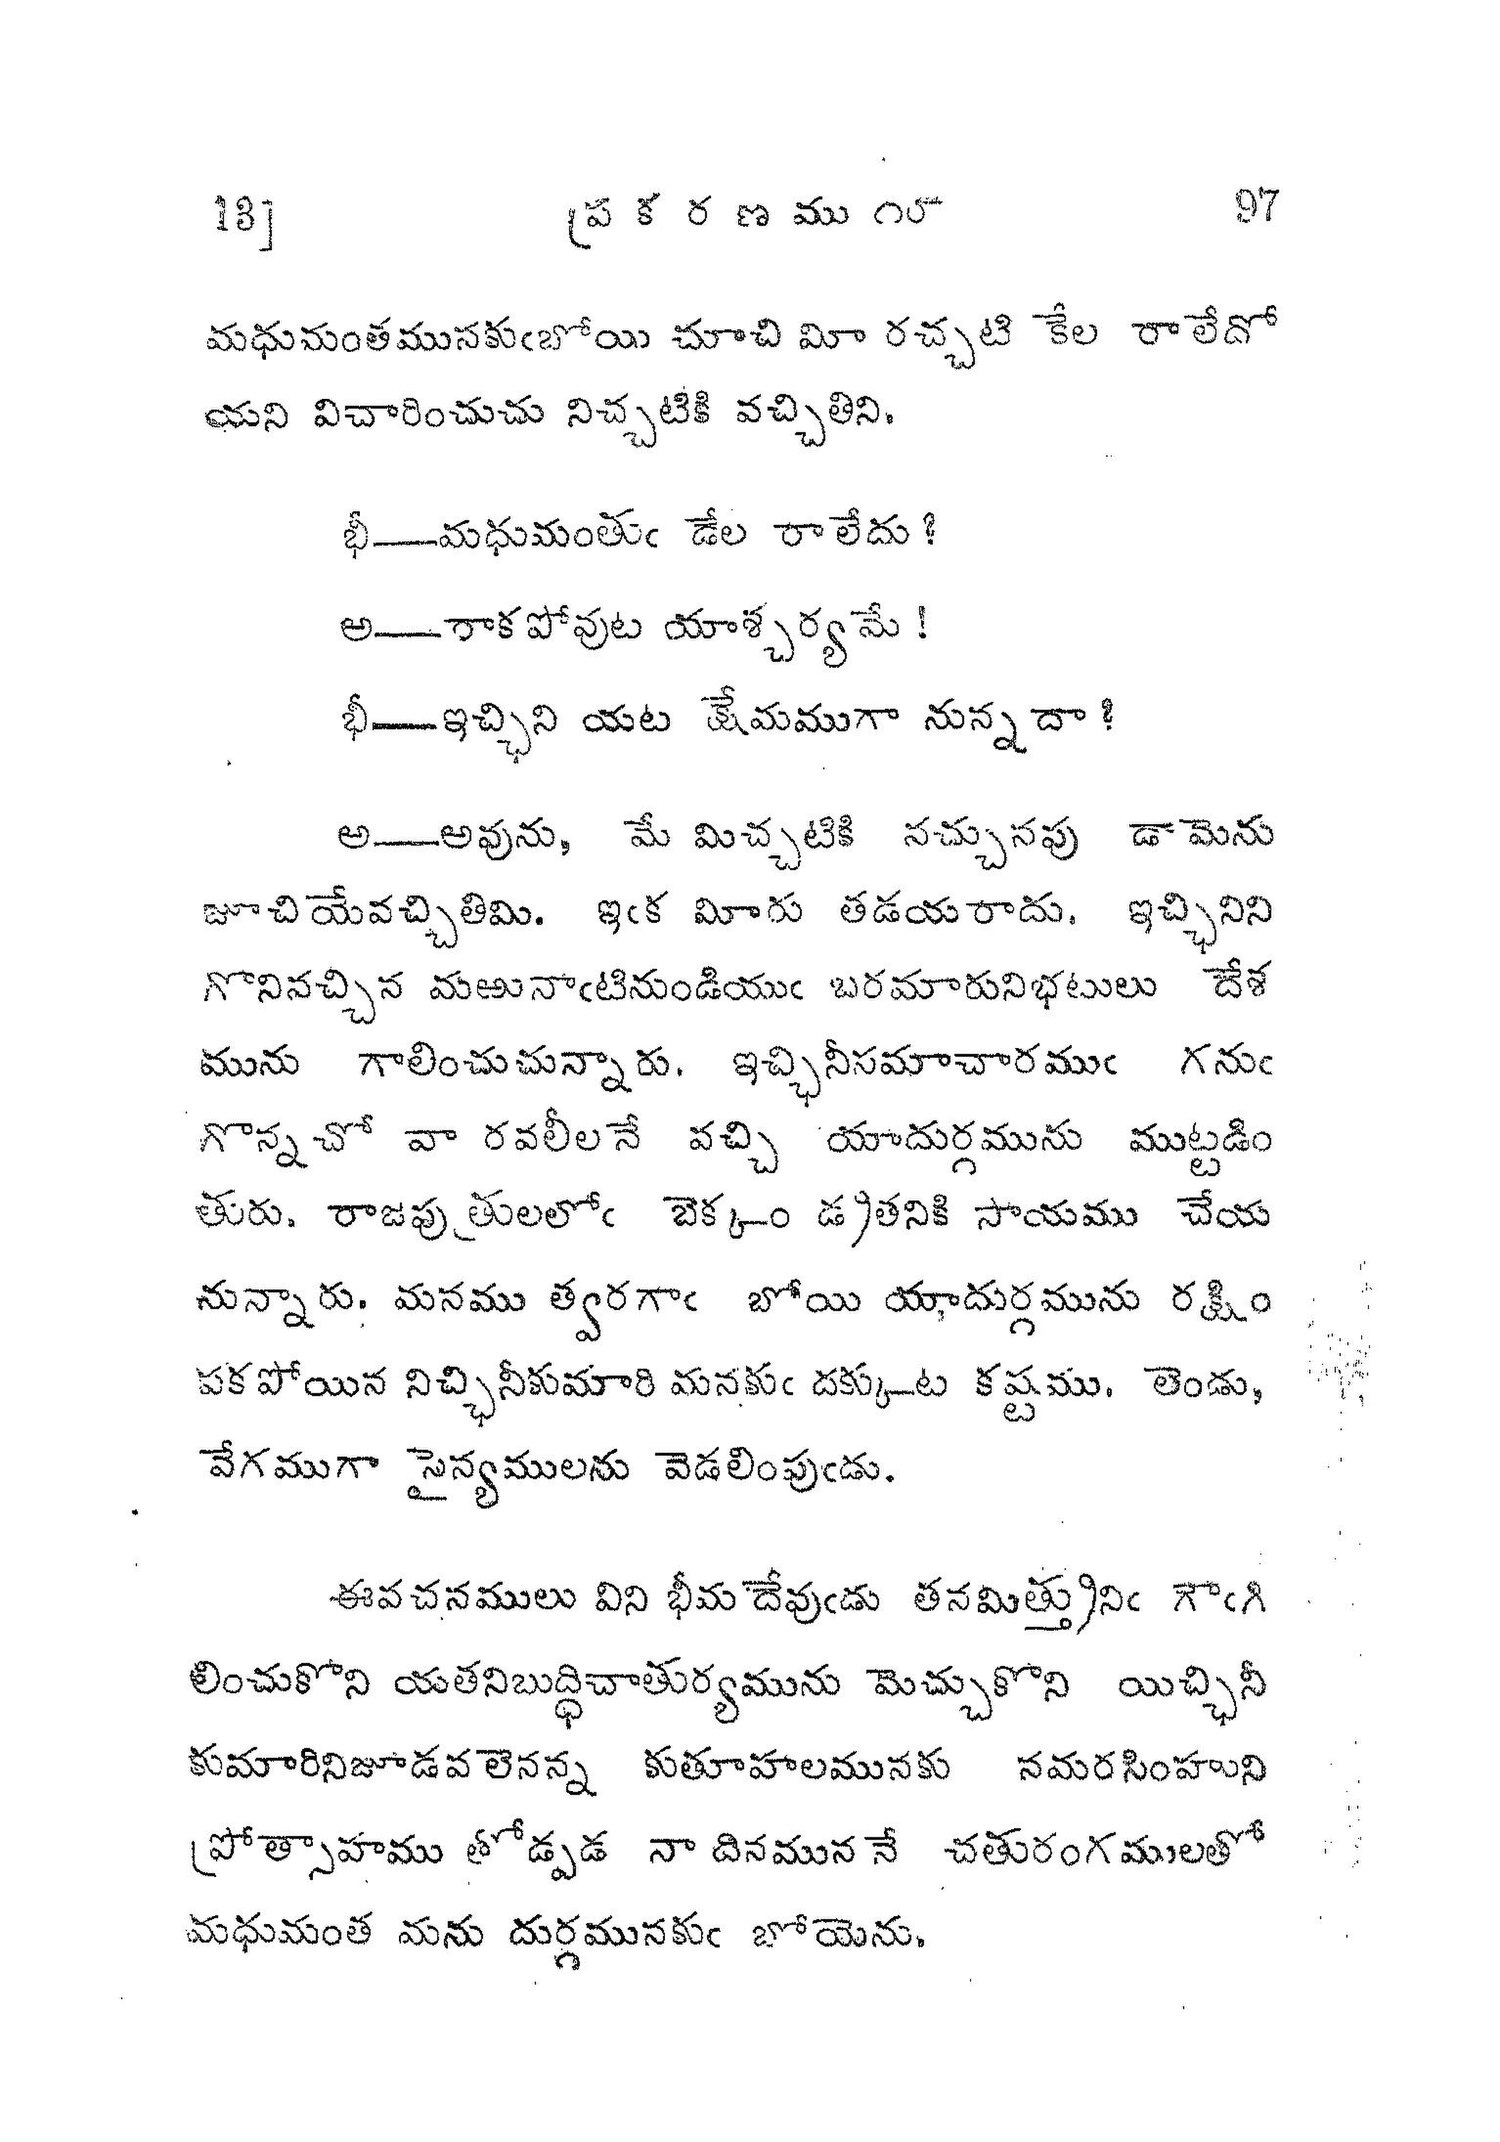ధుమంతమునకుఁ బోయి చూచి మీ రచ్చటి కేల రాలేదో యని విచారించుచు నిచ్చటికి వచ్చితిని,

భీ: _మధుమంతుఁ డేల రాలేదు ?

అ: రాకపోవుట యాశ్చర్యమే !

భీ: ఇచ్ఛిని యట క్షేమముగా నున్నదా !

అ: _అవును, మే మిచ్చటికి వచ్చునపు డామెను జూచి యేవచ్చితిమి. ఇక మీరు తడయ రాదు. ఇచ్ఛినిని గొనివచ్చిన మఱునాటి నుండియుఁ బరమారుని భటులు దేశ మును గాలించుచున్నారు. ఇచ్చిన సమాచారముఁ గనుఁ గొన్న చో వా రవలీలనే వచ్చి 'యాదుర్గమును ముట్టడిం తురు, రాజపుత్రులలోఁ బెక్కం ఢతనికి సాయము చేయ నున్నారు. మనము త్వరగాఁ బోయి యాదుర్గమును రక్షిం పక పోయిన నిచ్ఛినీకుమారి మనకుఁ దక్కుట కష్టము. "లెండు, వేగముగా సైన్యములను వెడలింపుఁడు.

ఈ వచనములు విని భీమ దేవుఁడు తనమీత్రునిఁ గౌఁగి లించుకోని యతని బుద్ధి చాతుర్యమును మెచ్చుకొని యిచ్ఛినీ కుమారిని జూడవలెనన్న కుతూహలమునకు నమరసింహుని ప్రోత్సాహము తోడ్పడ నా దినమున నే చతురంగములతో మధుమంత మను దుర్గమునకుఁ బోయెను,